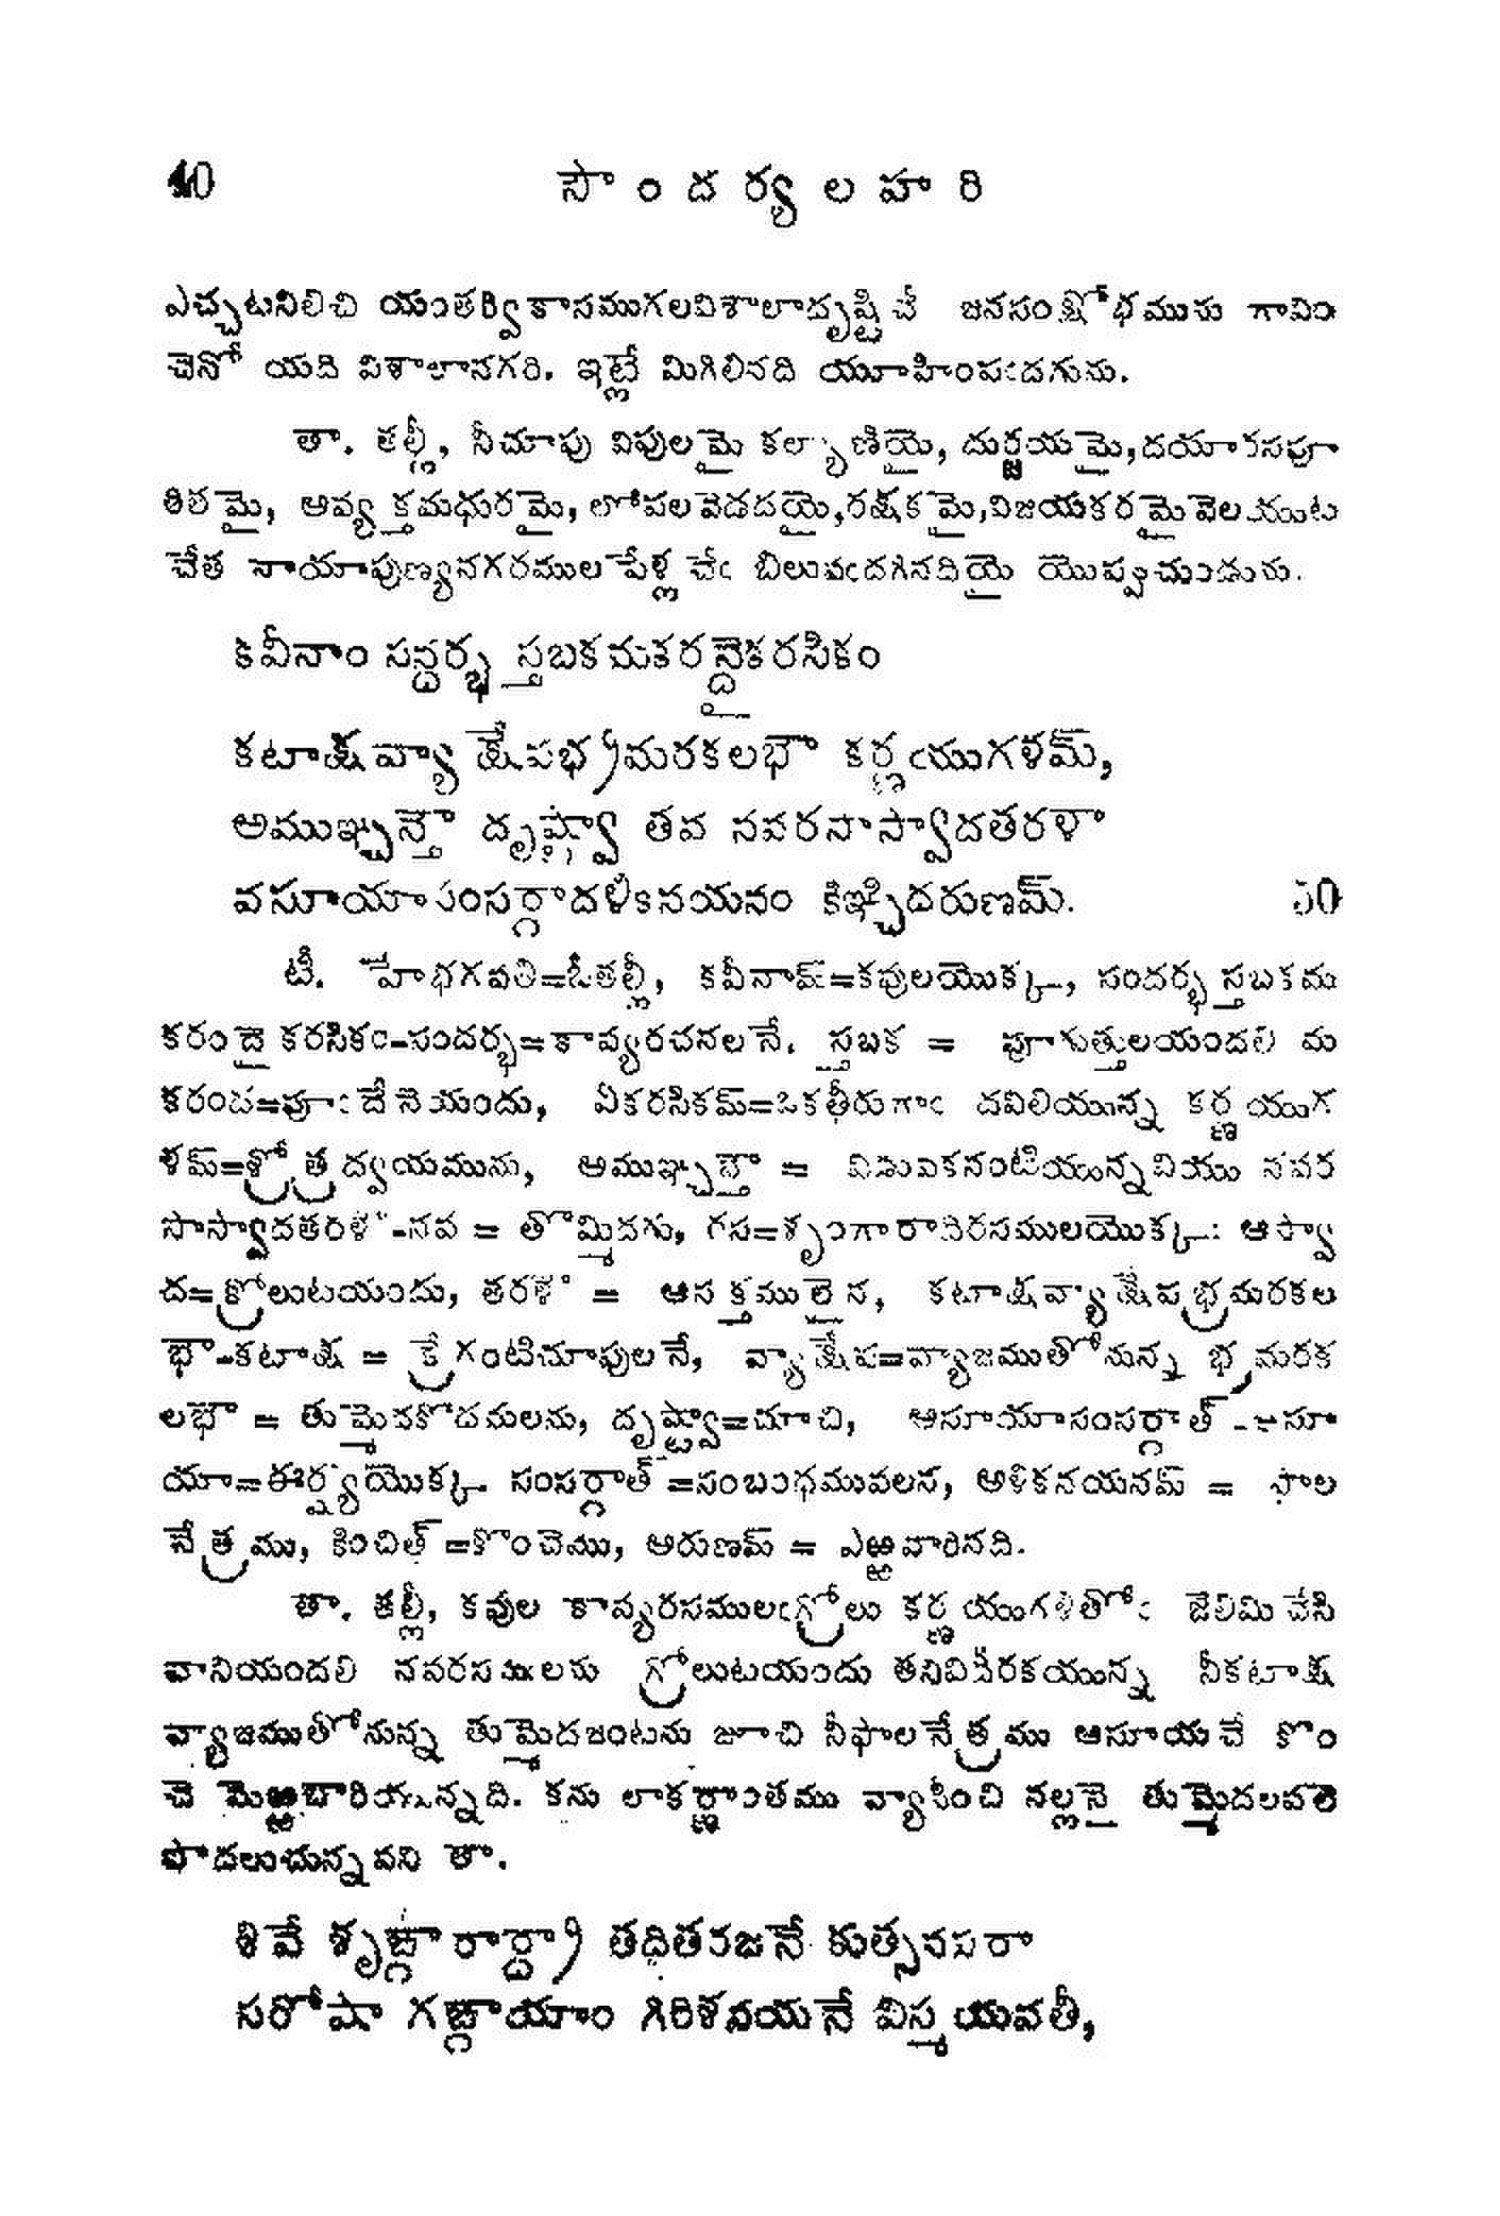ఎచ్చటనిలిచి యంతర్వికాసముగలవిశాలాదృష్టిచే జనసంక్షోభమును గావించెనో యది విశాలానగరి. ఇట్లే మిగిలినది యూహింపఁదగును.

తా. తల్లీ, నీచూపు విపులమై కల్యాణియై, దుర్జయమై, దయారసపూరితమై, అవ్యక్తమధురమై, లోపలవెడదయై, రక్షకమై, విజయకరమై వెలయుటచేత నాయాపుణ్యనగరములపేళ్లచేఁ బిలువఁదగినదియై యొప్పుచుండును.

కవీనాం సన్దర్భస్తబకమకరన్దైకరసికం
కటాక్షవ్యాక్షేపభ్రమరకలభౌ కర్ణయుగళమ్,
అముఞ్చన్తౌ దృష్ట్వా తవ నవరసాస్వాదతరళా
వసూయాసంసర్గాదళికనయనం కిఞ్చిదరుణమ్. 50
టీ. హేభగవతి = ఓతల్లీ, కవీనామ్ = కవులయొక్క, సందర్భస్తబకమకరందైకరసికం-సందర్భ = కావ్యరచనలనే, స్తబక = పూగుత్తులయందలి, మకరంద = పూఁదేనెయందు, ఏకరసికమ్ = ఒకతీరుగాఁ దవిలియున్న కర్ణయుగళమ్ = శ్రోత్రద్వయమును, అముఞ్చన్తౌ = విడువకనంటియున్నవియు, నవరసాస్వాదతరళా-నవ = తొమ్మిదగు, రస = శృంగారాదిరసములయొక్క, ఆస్వాద = క్రోలుటయందు, తరళౌ = ఆసక్తములైన, కటాక్షవ్యాక్షేపభ్రమమరకలభౌ-కటాక్ష = క్రేగంటిచూపులనే, వ్యాక్షేప = వ్యాజముతోనున్న, భ్రమరకలభౌ = తుమ్మెదకొదమలను, దృష్ట్వా = చూచి, అసూయాసంసర్గాత్-అసూయా = ఈర్ష్యయొక్క, సంసర్గాత్ = సంబంధమువలన, అళికనయనమ్ = ఫాలనేత్రము, కించిత్ = కొంచెము, అరుణం = ఎఱ్ఱవారినది.

తా. తల్లీ, కవుల కావ్యరసములఁగ్రోలు కర్ణయుగళితోఁ జెలిమిచేసి వానియందలి నవరసములను గ్రోలుటయందు తనివిదీరకయున్న నీకటాక్షవ్యాజముతోనున్న తుమ్మెదజంటను జూచి నీఫాలనేత్రము అసూయచే కొంచె మెఱ్ఱబారియున్నది. కను లాకర్ణాంతము వ్యాపించి నల్లనై తుమ్మెదలవలె పొదలుచున్నవని తా.

శివే శృఙ్గా రార్ద్రా తదితరజనే కుత్సవపరా
సరోషా గఙ్గాయాం గిరిశనయనే విస్మయవతీ,